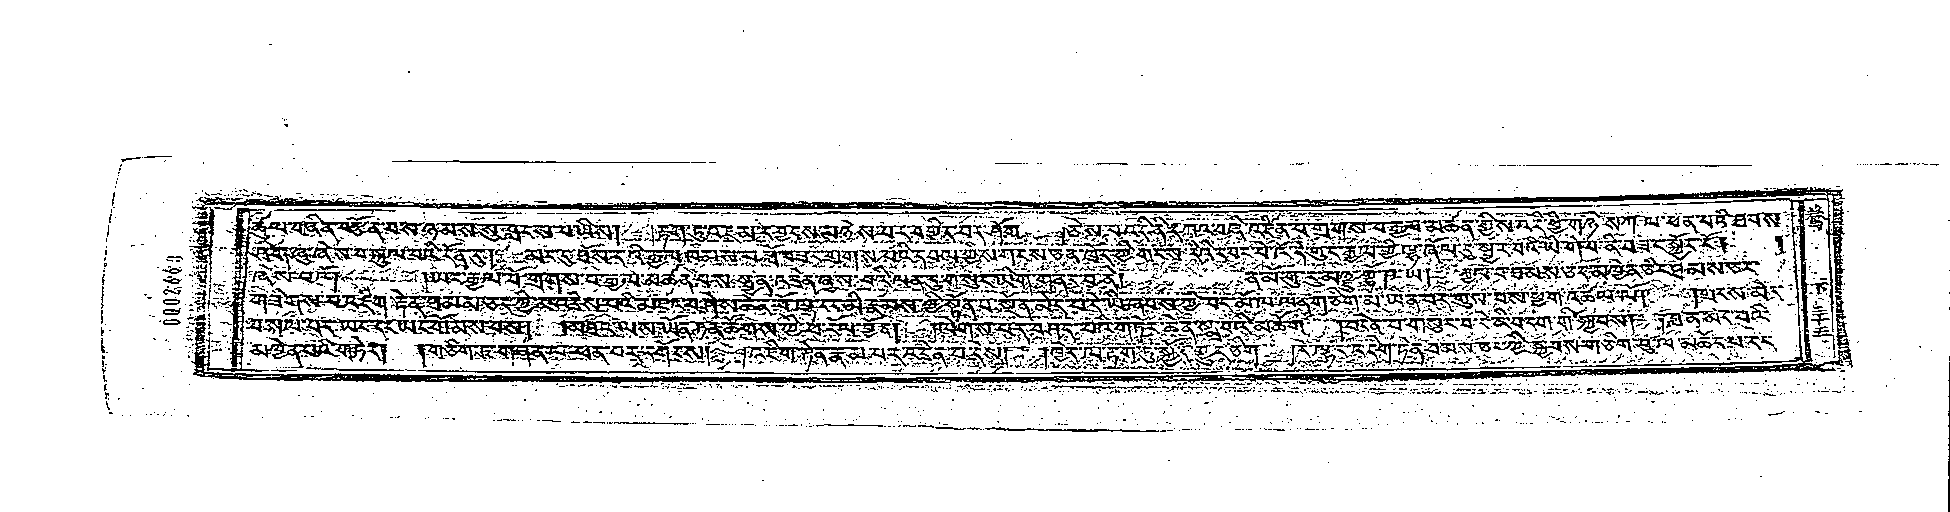ཚུལ་བཞིན་བརྩོན་པས་ཉམས་སུ་བླངས་པ་ཡིས། །རྟག་ཏུ་འཇམ་དབྱངས་མཉེས་པར་བགྱིད་པར་ཤོག །ཅེས་པ་འདི་ནི་དཀའ་བཞི་འཛིན་པ་གྲགས་པ་རྒྱལ་མཚན་གྱིས་འདི་ཕྱི་གཉིས་ཀ་ལ་ཕན་པའི་ཐབས་
ཤིག་ཞུ་ཞེས་བསྐུལ་བའི་དོན་དུ། མང་དུ་ཐོས་ངའི་རྒྱལ་ཁམས་པ་བློ་བཟང་གྲགས་པའི་དཔལ་གྱིས་གངས་ཅན་ཁྲོད་ཀྱི་གངས་རིའི་དབང་པོ་འོ་དེ་གུང་རྒྱལ་གྱི་ལྷ་ཞོལ་དུ་སྦྱར་བའི་ཡི་གེ་པ་ནི་བཟང་སྐྱོང་ངོ། །
ཞེས་པའོ། །ཡང་རྒྱལ་བོ་གྲགས་པ་རྒྱལ་མཚན་པས་སྤྱན་འདྲེན་ཞུས་པའི་ལན་དུ་གསུང་ཡིག་གནང་བ་ནི། ན་མོ་གུ་རུ་མཉྫུ་གྷོ་ཥ་ཡ། རྒྱལ་བ་ཐམས་ཅད་མཁྱེན་ཅིང་ཐམས་ཅད་
གཟིགས་པ་འཇིག་རྟེན་ཐམས་ཅད་ཀྱི་མ་འདྲིས་པའི་མཛའ་བཤེས་ཆེན་པོ་ལྷ་དང་མི་རྣམས་ཀྱི་སྟོན་པ་སྔོན་མེད་པ་དེ་ཡི་ཞབས་ཀྱི་པང་མོ་ལ་ལན་གཅིག་མ་ཡིན་བར་གུས་པས་ཕྱག་འཚལ་ལོ། །གྲངས་མེད་
བསྐལ་པར་ཡང་དང་ཡང་གོམས་པས། །མཐའ་ཡས་ཡོན་ཏན་ཚོགས་ཀྱི་ཕ་རོལ་བྱོན། །ལེགས་པར་བཤད་པའི་གཏེར་ཆེན་སྨྲ་བའི་མཆོག །བདེན་པ་གསུང་བ་དེ་ནི་བདག་གི་སྐྱབས། །བླ་ན་མེད་པའི་
མཁྱེན་པའི་གཏེར། །གཅིག་ཏུ་གཞན་ལ་ཕན་བར་དགོངས། །འཇིག་རྟེན་རྣམ་པར་འདྲེན་པ་དེས། །ཁྱེད་ལ་རྟག་ཏུ་སྐྱོང་གྱུར་ཅིག །དེ་ལྟར་འཇིག་རྟེན་ཐམས་ཅད་ཀྱི་སྐྱབས་གཅིག་བུ་ལ་མཆོད་པ་དང་